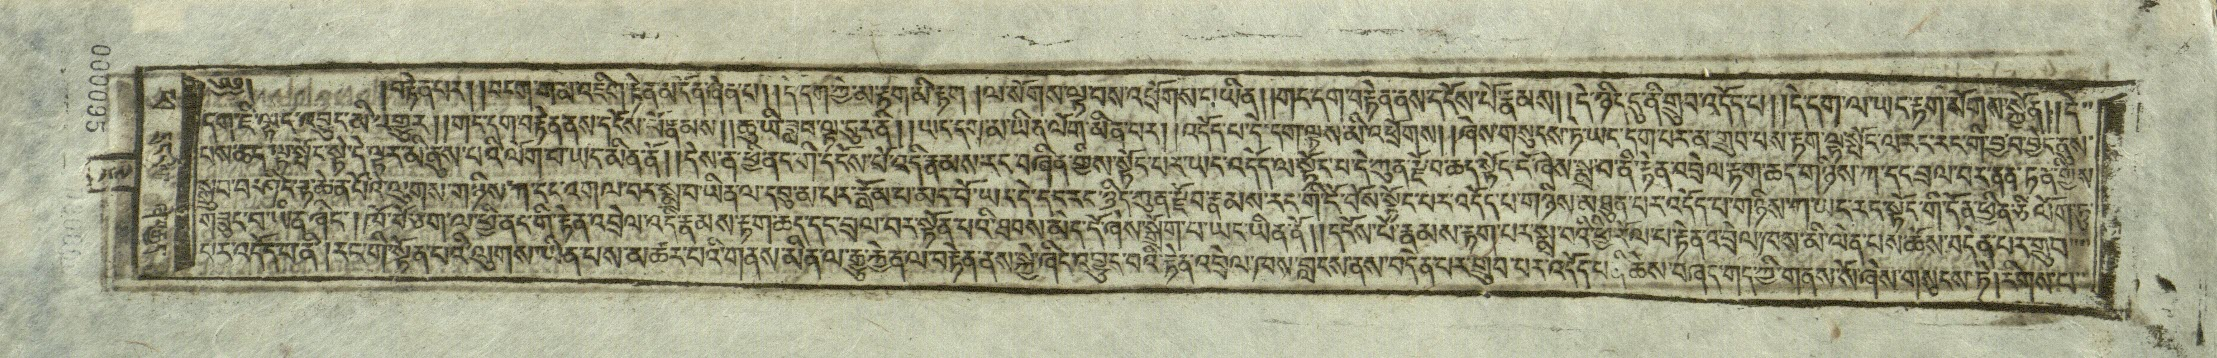༄༅། །བརྟེན་པར། །བདག་གམ་འཇིག་རྟེན་མངོན་ཞེན་པ། །དེ་དག་ཀྱེ་མ་རྟག་མི་རྟག །ལ་སོགས་ལྟ་བས་འཕྲོགས་པ་ཡིན། །གང་དག་བརྟེན་ནས་དངོས་པོ་རྣམས། །དེ་ཉིད་དུ་ནི་གྲུབ་འདོད་པ། །དེ་དག་ལ་ཡང་རྟག་སོགས་སྐྱོན། །དེ་
དག་ཇི་ལྟར་འབྱུང་མི་འགྱུར། །གང་དག་བརྟེན་ནས་དངོས་པོ་རྣམས། །ཆུ་ཡི་ཟླ་བ་ལྟ་བུར་ནི། །ཡང་དག་མ་ཡིན་ལོག་མིན་པར། །འདོད་པ་དེ་དག་ལྟས་མི་འཕྲོགས། །ཞེས་གསུངས་ཏེ་ཡང་དག་པར་མ་གྲུབ་པས་རྟག་ལྟ་སྤོང་ལ་རང་རང་གི་བྱ་བ་བྱེད་ནུས་
པས་ཆད་ལྟ་སྤོང་སྟེ་དེ་ལྟར་མི་ནུས་པའི་ལོག་པ་ཡང་མིན་ནོ། །དེས་ན་ཕྱི་ནང་གི་དངོས་པོ་འདི་རྣམས་རབ་བཞིན་གྱིས་སྟོང་པར་ཡང་འདོད་ལ་སྟོང་པ་དེ་ཀུན་རྫོབ་ཆད་སྟོང་ངོ་ཞེས་སྨྲ་བ་ནི་རྟེན་འབྲེལ་རྟག་ཆད་གཉིས་ཀ་དང་བྲལ་བར་ནན་ཏན་གྱིས་
སྒྲུབ་བ་ཤིང་རྟ་ཆེན་པོའི་ལུགས་གཉིས་ཀ་དང་འགལ་བར་སྨྲ་བ་ཡིན་ལ་དབུ་མ་པར་རློམ་པ་མང་པོ་ཡང་ད་དང་རང་ཉིད་ཀུན་རྫོབ་རྣམས་རང་གི་ངོ་བོས་སྟོང་བར་འདོད་པ་གཉིས་མཐུན་པར་འདོད་པ་གཉིས་ཀ་ཡང་རང་སྟོང་གི་དོན་ཕྱིན་ཙ་ལོག་ཏུ་
གཟུང་བ་ཡིན་ཞིང་། ཁོ་བོ་ཅག་ལ་ཕྱི་ནང་གི་རྟེན་འབྲེལ་འདི་རྣམས་རྟག་ཆད་དང་བྲལ་བར་སྟོན་པའི་ཐབས་མེད་དོ་ཞེས་སྒྲོག་པ་ཡང་ཡིན་ནོ། །དངོས་པོ་རྣམས་རྟག་པར་སྨྲ་བའི་ཕྱི་རོལ་པ་རྟེན་འབྲེལ་ཁས་མི་ལེན་པས་ཆོས་བདེན་པར་གྲུབ་
པར་འདོད་པ་ནི། རང་གི་སྟོན་པའི་ལུགས་ཡིན་པས་མཚར་པའི་གནས་མིན་ལ་རྒྱུ་རྐྱེན་ལ་བརྟེན་ནས་སྐྱེ་ཞིང་འབྱུང་བའི་རྟེན་འབྲེལ་ཁས་བླངས་ནས་བདེན་པར་གྲུབ་པར་འདོད་པ་ནི་ཆེས་བཞད་གད་ཀྱི་གནས་སོ་ཞེས་གསུངས་ཏེ། རིགས་པ་